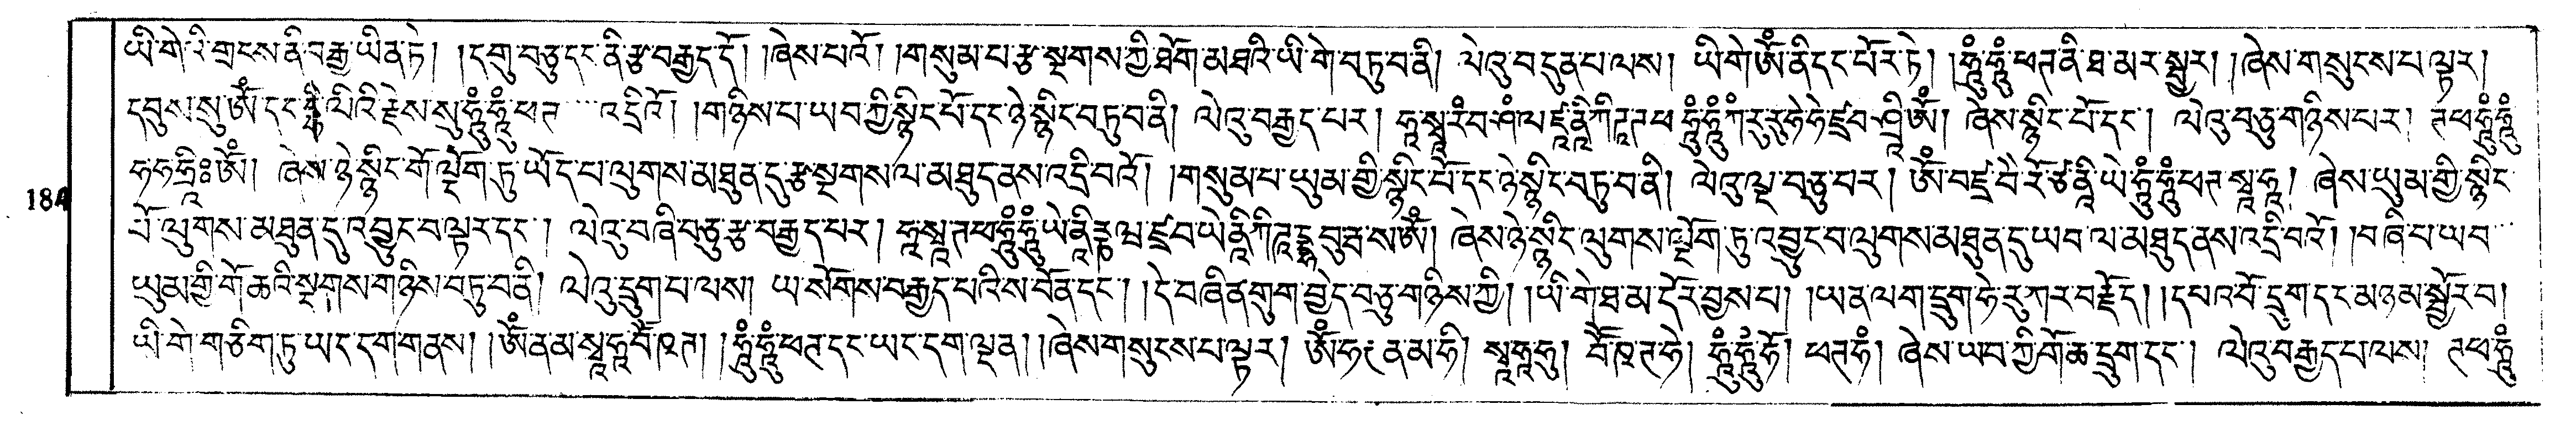ཡི་གེའི་གྲངས་ནི་བརྒྱ་ཡིན་ཏེ། །དགུ་བཅུ་དང་ནི་རྩ་བརྒྱད་དོ། །ཞེས་པའོ། །གསུམ་པ་རྩ་སྔགས་ཀྱི་ཐོག་མཐའི་ཡི་གེ་བཏུ་བ་ནི། ལེའུ་བདུན་པ་ལས། ཡི་གེ་ཨོཾ་ནི་དང་པོར་ཏེ། །ཧཱུཾ་ཧཱུཾ་ཕཊ་ནི་ཐ་མར་སྦྱར། །ཞེས་གསུངས་པ་ལྟར།
དབུས་སུ་ཨོཾ་དང་དྷི་ལིའི་རྗེས་སུ་ཧཱུཾ་ཧཱུཾ་ཕཊ་འདྲིའོ། །གཉིས་པ་ཡབ་ཀྱི་སྙིང་པོ་དང་ཉེ་སྙིང་བཏུ་བ་ནི། ལེའུ་བརྒྱད་པར། ཧཱ་སྭཱ་རཾ་བ་ཤཾ་ལ་ཛཱ་ནཱི་ཀིཌཱ་ཌཕ་ཧཱུཾ་ཧཱུཾ་ཀཾ་རུ་རུ་ཧེ་ཧེ་ཛྲབ་སྲཱི་ཨོཾ། ཞེས་སྙིང་པོ་དང་། ལེའུ་བཅུ་གཉིས་པར། ཊ་ཕ་ཧཱུཾ་ཧཱུཾ་
ཧ་ཧ་དྲཱིཿ ཨོཾ། ཞེས་ཉེ་སྙིང་གོ་ལྡོག་ཏུ་ཡོད་པ་ལུགས་མཐུན་དུར་ཙ་སྔགས་ལ་མཐུད་ནས་འདྲི་བའོ། །གསུམ་པ་ཡུམ་གྱི་སྙིང་པོ་དང་ཉེ་སྙིང་བཏུ་བ་ནི། ལེའུ་ལྔ་བཅུ་བར། ཨོཾ་བཛྲ་བཻ་རོ་ཙ་ནཱི་ཡེ་ཧཱུཾ་ཧཱུཾ་ཕཊ་སྭཱ་ཧཱ། ཞེས་ཡུམ་གྱི་སྙིང་
པོ་ལུགས་མཐུན་དུ་འབྱུང་བ་ལྟར་དང་། ལེའུ་བཞི་བཅུ་རྩ་བརྒྱད་པར། ཧཱ་སྭཱ་ཊ་ཕ་ཧཱུཾ་ཧཱུཾ་ཡི་ནཱཨི་རྞཝ་ཛྲབ་ཡིནཱི་ཀི་ཌཱ་དྡྷ་བུ་རྦ་ས་ཨོཾ། ཞེས་ཉེ་སྙིང་ལུགས་ལྡོག་ཏུ་འབྱུང་བ་ལུགས་མཐུན་དུ་ཡབ་ལ་མཐུད་ནས་འདྲི་བའོ། །བཞི་པ་ཡབ་
ཡུམ་གྱི་གོ་ཆའི་སྔགས་གཉིས་བཏུ་བ་ནི། ལེའུ་དྲུག་པ་ལས། ཡ་སོགས་བརྒྱད་པའི་ས་བོན་དང་། །དེ་བཞིན་གུག་བྱེད་བཅུ་གཉིས་ཀྱི། །ཡི་གེ་ཐ་མ་དོར་བྱས་པ། །ཡན་ལག་དྲུག་ཧེ་རུ་ཀར་བརྗོད། །དཔའ་བོ་དྲུག་དང་མཉམ་སྦྱོར་བ།
ཡི་གེ་གཅིག་ཏུ་ཡང་དག་གནས། །ཨོཾ་ན་མ་སྭཱ་ཧཱ་བཽ་ཥཊ། །ཧཱུཾ་ཧཱུཾ་ཕཊ་དང་ཡང་དག་ལྡན། །ཞེས་གསུངས་པ་ལྟར། ཨོཾ་ཧ༑ ན་མ་ཧི། སྭཱ་ཧཱ་ཧུ། བཽ་ཥ་ཊ་ཧེ། ཨཧུཾ་ཧཱུཾ་ཧོ། ཕཊ་ཧཾ། ཞེས་ཡབ་ཀྱི་གོ་ཆ་དྲུག་དང་། ལེའུ་བརྒྱད་པ་ལས། ཊ་ཕ་ཧཱུཾ་